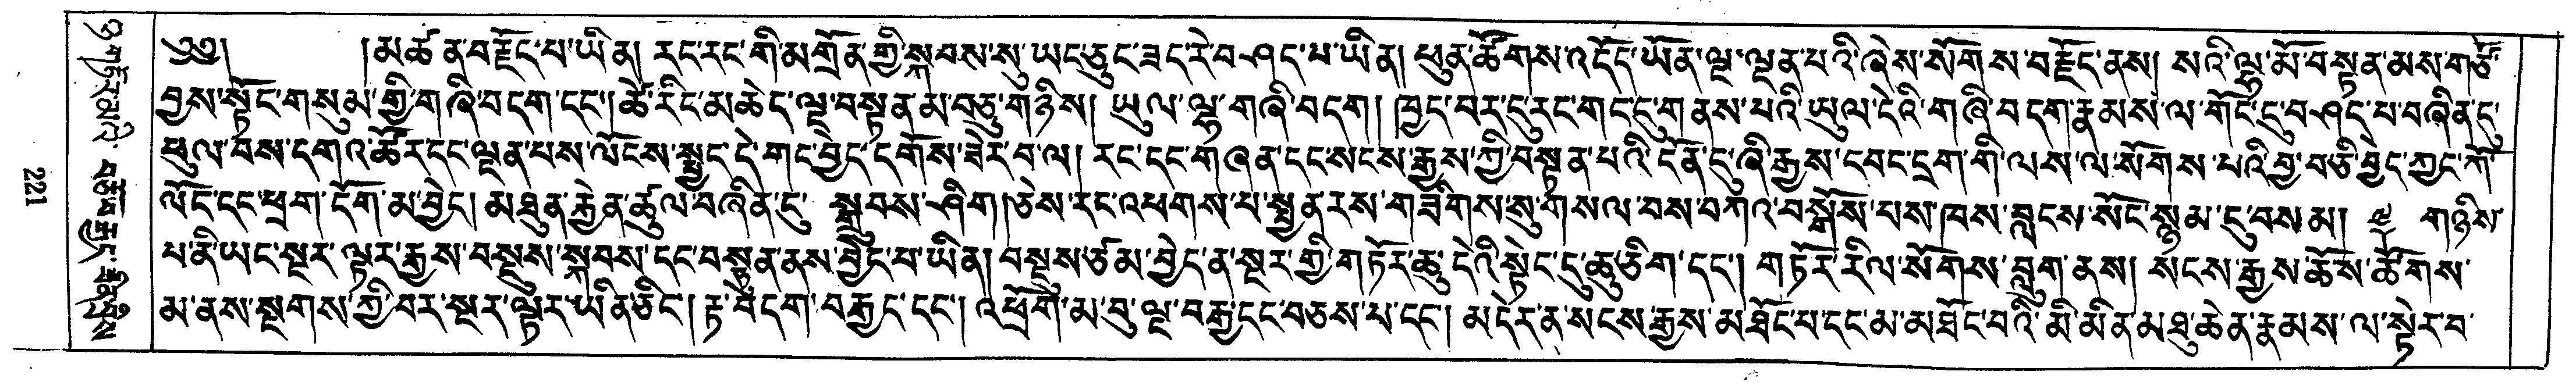༄༅། །མཚན་བརྗོད་པ་ཡིན། རང་རང་གི་མགྲོན་གྱི་སྐབས་སུ་ཡང་ཅུང་ཟད་རེ་བཤད་པ་ཡིན། ཕུན་ཚོགས་འདོད་ཡོན་ལྔ་ལྡན་པའི་ཞེས་སོགས་བརྗོད་ནས། སའི་ལྷ་མོ་བསྟན་མས་གཙོ་
བྱས་སྟོང་གསུམ་གྱི་གཞི་བདག་དང་། ཚེ་རིང་མཆེད་ལྔ་བསྟན་མ་བཅུ་གཉིས། ཡུལ་ལྷ་གཞི་བདག། ཁྱད་པར་དུ་རང་གང་དུ་གནས་པའི་ཡུལ་དེའི་གཞི་བདག་རྣམས་ལ་གོང་དུ་བཤད་པ་བཞིན་དུ་
ཕུལ་བས་དགའ་ཚོར་དང་ལྡན་པས་ལོངས་སྤྱད་དེ་གང་བྱེད་དགོས་ཟེར་བ་ལ། རང་དང་གཞན་དང་སངས་རྒྱས་ཀྱི་བསྟན་པའི་དོན་དུ་ཞི་རྒྱས་དབང་དྲག་གི་ལས་ལ་སོགས་པའི་བྱ་བ་ཅི་བྱེད་ཀྱང་ཀོ་
ལོང་དང་ཕྲག་དོག་མ་བྱེད། མཐུན་རྐྱེན་ཚུལ་བཞིན་དུ་སྒྲུབས་ཤིག །ཅེས་རང་འཕགས་པ་སྤྱན་རས་གཟིགས་སུ་གསལ་བས་བཀའ་བསྒོས་པས་ཁས་བླངས་སོང་སྙམ་དུ་བསམ། ༈ གཉིས་
པ་ནི་ཡང་སྔར་ལྟར་རྒྱས་བསྡུས་སྐབས་དང་བསྟན་ནས་བྱེད་པ་ཡིན། བསྡུས་ཙམ་བྱེད་ན་སྔར་གྱི་གཏོར་ཆུ་དེའི་སྟེང་དུ་ཆུ་ཅིག་དང་། གཏོར་རིལ་སོགས་བླུག་ནས། སངས་རྒྱས་ཆོས་ཚོགས་
མ་ནས་སྔགས་ཀྱི་བར་སྔར་ལྟར་ཡིན་ཅིང་། རྟ་བདག་བརྒྱད་དང་། འཕྲོག་མ་བུ་ལྔ་བརྒྱ་དང་བཅས་པ་དང་། མདོར་ན་སངས་རྒྱས་མཐོང་བ་དང་མ་མཐོང་བའི་མི་མིན་མཐུ་ཆེན་རྣམས་ལ་སྟེར་བ་